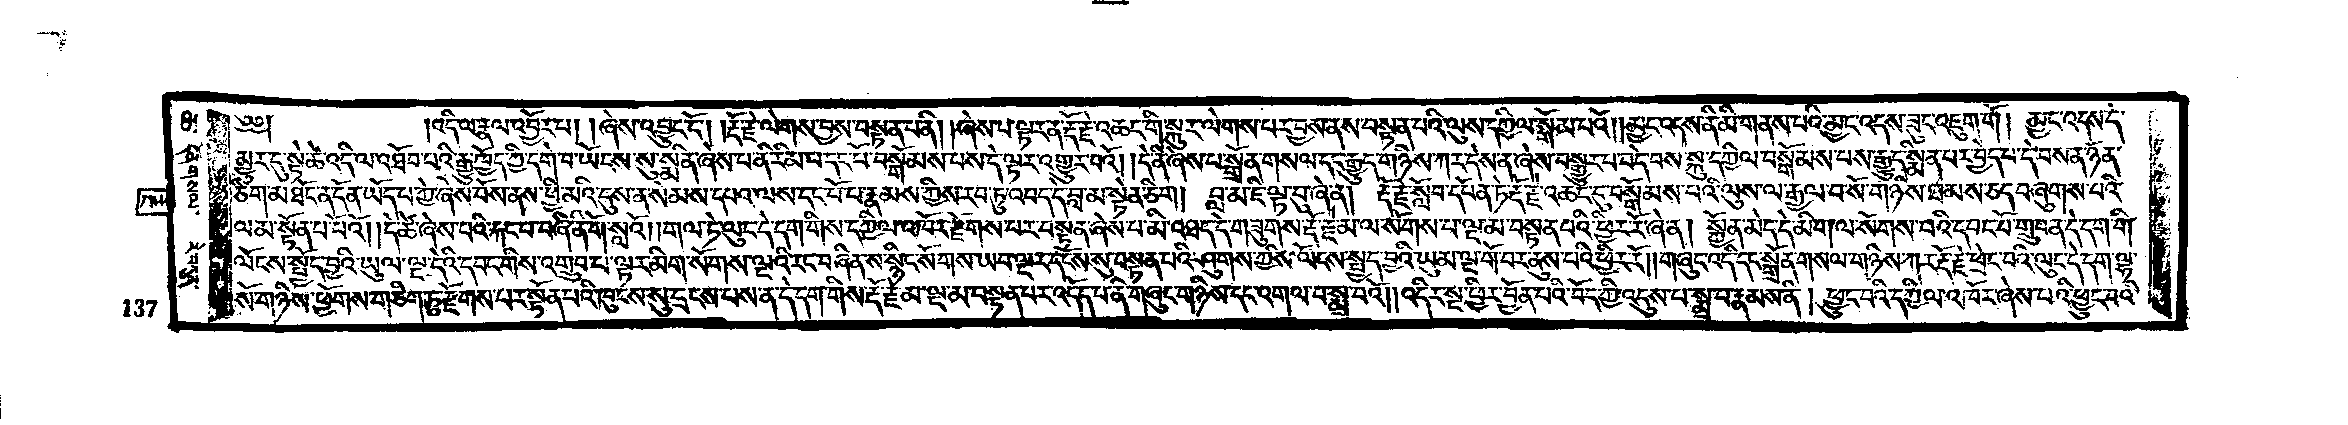༄༅། །འདི་ལ་རྣལ་འབྱོར་པ། །ཞེས་འབྱུང་ངོ། །རྡོ་རྗེ་ལེགས་བྱས་བསྟན་པ་ནི། །ཞེས་པ་ལྟར་ན་རྡོ་རྗེ་འཆང་གི་སྐུར་ལེགས་པར་བྱས་ནས་བསྟན་པའི་ལུས་དཀྱིལ་སྒོམ་པའོ། །མྱང་འདས་ནི་མི་གནས་པའི་མྱང་འདས་ཟུང་འཇུག་གོ །མྱང་འདས་དེ་
མྱུར་དུ་སྟེ་ཚེ་འདི་ལ་འཐོབ་པའི་རྒྱུ་ཁྱེད་ཀྱི་དགེ་བ་ཡོངས་སུ་སྨིན་ཞེས་པ་ནི་རིམ་པ་དང་པོ་བསྒོམས་པས་དེ་ལྟར་འགྱུར་བའོ། །དེ་ནི་ཞེས་པ་སྒྲོན་གསལ་དང་རྒྱུད་གཉིས་ཀར་དེས་ན་ཞེས་བསྒྱུར་པ་བདེ་བས་སྐུ་དཀྱིལ་བསྒོམས་པས་རྒྱུད་སྨིན་པར་བྱེད་པ་དེ་བས་ན་ཉོན་
ཅིག་མཐོང་ན་དོན་ཡོད་པ་ཀྱེ་ཞེས་བོས་ནས་ཕྱི་མའི་དུས་ན་སེམས་དཔའ་ལས་དང་པོ་པ་རྣམས་ཀྱིས་རབ་ཏུ་འབད་དེ་བླ་མ་སྟེན་ཅིག །བླ་མ་ཇི་ལྟ་བུ་ཞེ་ན། རྡོ་རྗེ་སློབ་དཔོན་ཏེ་རྡོ་རྗེ་འཆང་དུ་བསྒོམས་པའི་ལུས་ལ་རྒྱལ་བ་སེ་གཉིས་ཐམས་ཅད་བཞུགས་པའི་
ལམ་སྟོན་པ་པོའོ། །དེ་ཚེ་ཞེས་པའི་རྐང་པ་བཞི་ནི་གོ་སླའོ། །གལ་ཏེ་ལུང་དེ་དག་གིས་དཀྱིལ་འཁོར་རྫོགས་པར་བསྟན་ཞེས་པ་མི་འཐད་དེ་གཟུགས་རྡོ་རྗེ་མ་ལ་སོགས་པ་ལྔ་མ་བསྟན་པའི་ཕྱིར་རོ་ཞེ་ན། སྐྱོན་མེད་དེ་མིག་ལ་སོགས་པའི་དབང་པོ་གྲུབ་ན་དེ་དག་གི་
ལོངས་སྤྱོད་བྱའི་ཡུལ་ལྔ་དེའི་དབང་གིས་འགྲུབ་པ་ལྟར་མིག་སོགས་ལྔའི་རང་བཞིན་ས་སྙིང་སོགས་ཡབ་ལྔར་དངོས་སུ་བསྟན་པའི་ཤུགས་ཀྱིས་ལོངས་སྤྱད་བྱའི་ཡུམ་ལྔ་གོ་བར་ནུས་པའི་ཕྱིར་རོ། །གཞུང་འདི་དང་སྒྲོན་གསལ་གཉིས་ཀར་རྡོ་རྗེ་ཕྲེང་བའི་ལུང་དེ་དག་ལྷ་
སོ་གཉིས་ཕྱོགས་གཅིག་ཏུ་རྫོགས་པར་སྟོན་པའི་ཁུངས་སུ་དྲངས་པས་ན་དེ་དག་གིས་རྡོ་རྗེ་མ་ལྔ་མ་བསྟན་པར་འདོད་པ་ནི་གཞུང་གཉིས་དང་འགལ་བ་སྨྲ་བའོ། །འདིར་སྔ་ཕྱིར་བྱོན་པའི་བོད་ཀྱི་འདུས་པ་སྨྲ་བ་རྣམས་ནི། ཕྱུང་བའི་དཀྱིལ་འཁོར་ཞེས་པའི་ཕྱུང་བའི་